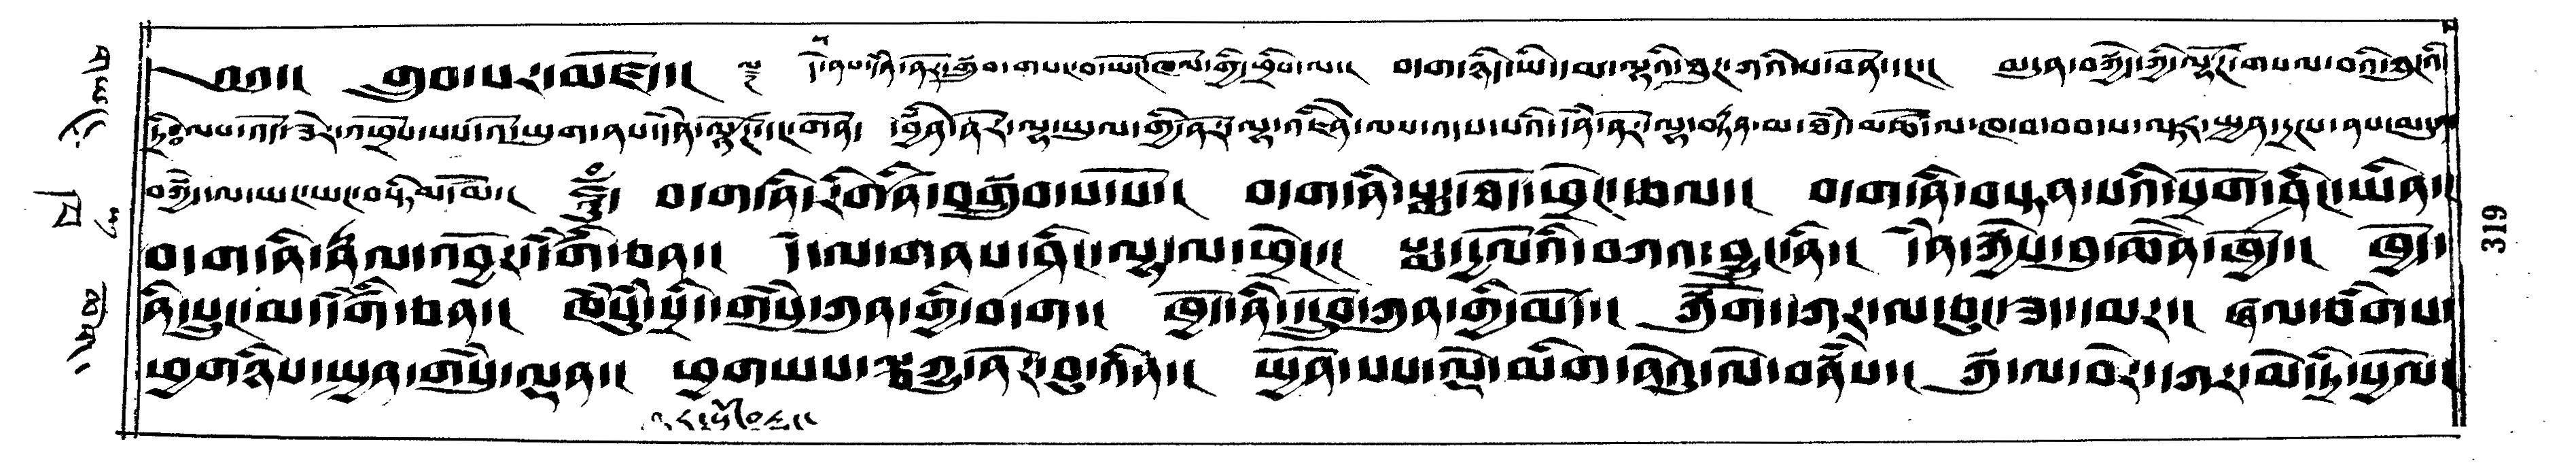གྲུབ་པར་མཛོད།། ༈ དེས་ནས་དམ་ཅན་ནོར་སྒྲུབ་གསང་བ་ཡང་ཁོལ་གྱི་ཕྲིན་ལས། བདག་ཉིད་ཡི་དམ་ལྷའི་ཐུགས་ཀའི་ས་བོན་དང་། མདུན་བསྐྱེད་ཀྱི་ལྷ་ཚོགས་གསལ་བའི་ཐུགས་ཀའི་
ཏྲིཿལས་འོད་ཟེར་འཕྲོས་པས་འོ་ཡུག་ནས་དམ་ཅན་ལྷ་ཚོགས་དང་གོན་ད་སྦྱིན་ནོར་ལྷ། ཡུལ་གྱི་ནོར་ལྷ་འཇིག་རྟེན་ལས་འདས་པའི་དམ་ཅན་ནོར་ལྷ་བརྟནམ་ཐམས་ཅད་མཚོ་ལ་ཁ་བ་བབ་པ་ལྟར་སྤྱན་དྲངས་ནས་མདུན་
བསྐྱེད་ལ་ཡང་ཡང་བསྟིམ་མོ།། ཧཱུྃ། བདག་ནི་རིག་འཛིན་བསྒྲུབ་པ་པོ། །བདག་ནི་པདྨ་ཐོད་ཕྲེང་རྩལ། །བདག་ནི་བསྟན་པའི་སྲོག་ཤིང་ཡིན། །
བདག་ནི་རྣལ་འབྱོར་དམ་ཚིག་ཅན། །དམ་ལ་གནས་ཤིང་ལྷ་ལ་ཕྲེང་། །པདྨ་རྒྱལ་པོའི་བཀའ་སྲུང་ནི། །དམ་ཅན་སྐྱེས་བུ་ཆེན་པོ་ཁྱོད། །ཁྱོད་
ནི་སྲུང་མ་དམ་ཚིག་ཅན། །ཁམས་གསུམ་སྲིད་གསུམ་ཀུན་ཀྱི་བདག། །ཁྱོད་ནི་དངོས་གྲུབ་ཀུན་ཀྱི་མཛོད། །སྐུ་མདོག་དཀར་ལ་ཅུང་ཟད་དམར། །ཞལ་གཅིག་
ཕྱག་གཉིས་སྤྱན་གསུམ་ལྡན།། ཕྱག་གཡས་ལྕགས་ཀྱུ་ནོར་བུ་འཛིན། །གཡོན་པས་ལྡེ་མིག་ནེའུ་ལེ་བསྣམས། །སྐུ་ལ་བེར་དཀར་མེ་ཏྲི་གསོལ།།